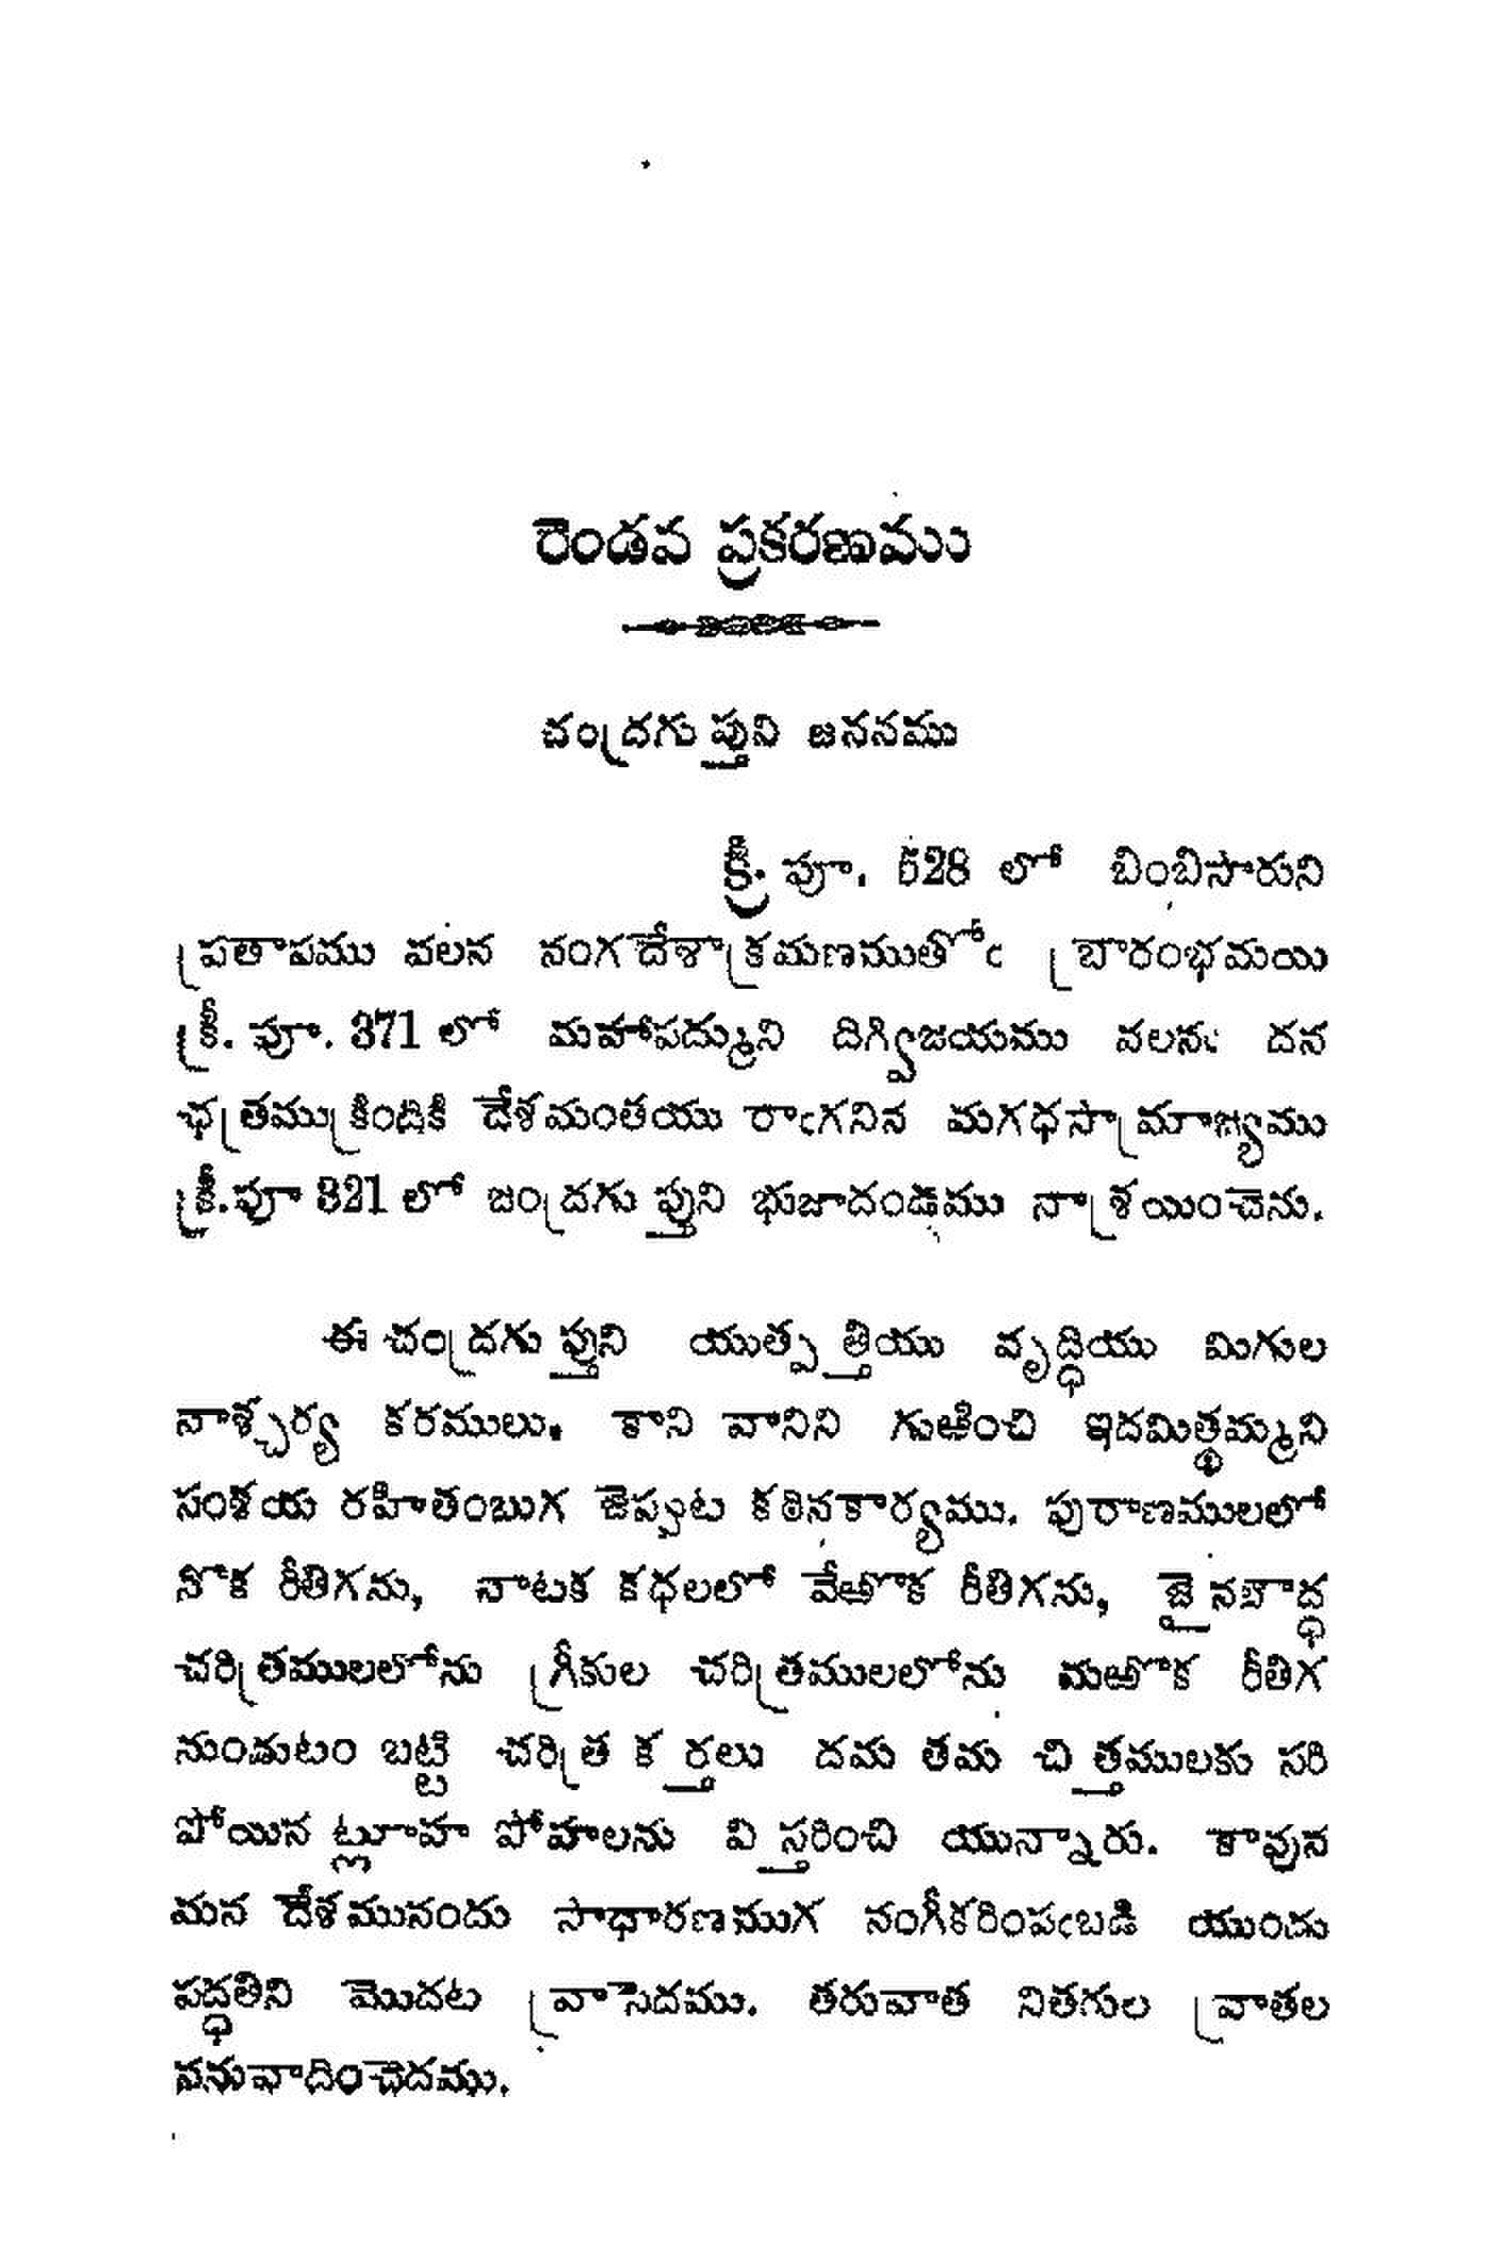రెండవ ప్రకరణము
చంద్రగుప్తుని జననము

క్రీ. పూ. 528 లో బింబిసారుని ప్రతాపము వలన నంగదేశాక్రమణముతోఁ బ్రారంభమయి క్రీ. పూ. 371 లో మహాపద్ముని దిగ్విజయము వలన దన ఛత్రముక్రిందికి దేశమంతయు రాఁగనిన మగధసామ్రాజ్యము క్రీ.పూ 321 లో జంద్రగుప్తుని భుజాదండము నాశ్రయించెను.

ఈ చంద్రగుప్తుని యుత్పత్తియు వృద్ధియు మిగుల నాశ్చర్య కరములు. కాని వానిని గుఱించి ఇదమిత్థమ్మని సంశయ రహితంబుగ జెప్పుట కఠినకార్యము. పురాణములలో నొక రీతిగను, నాటక కధలలో వేఱొక రీతిగను, జైనబౌద్ద చరిత్రములలోను గ్రీకుల చరిత్రములలోను మఱొక రీతిగ నుండుటం బట్టి చరిత్ర కర్తలు దమ తమ చిత్తములకు సరి పోయిన ట్లూహ పోహలను విస్తరించి యున్నారు. కావున మన దేశమునందు సాధారణముగ నంగీకరింపఁబడి యుండు పద్ధతిని మొదట వ్రాసెదము. తరువాత నితరుల వ్రాతల ననువాదించెదము.